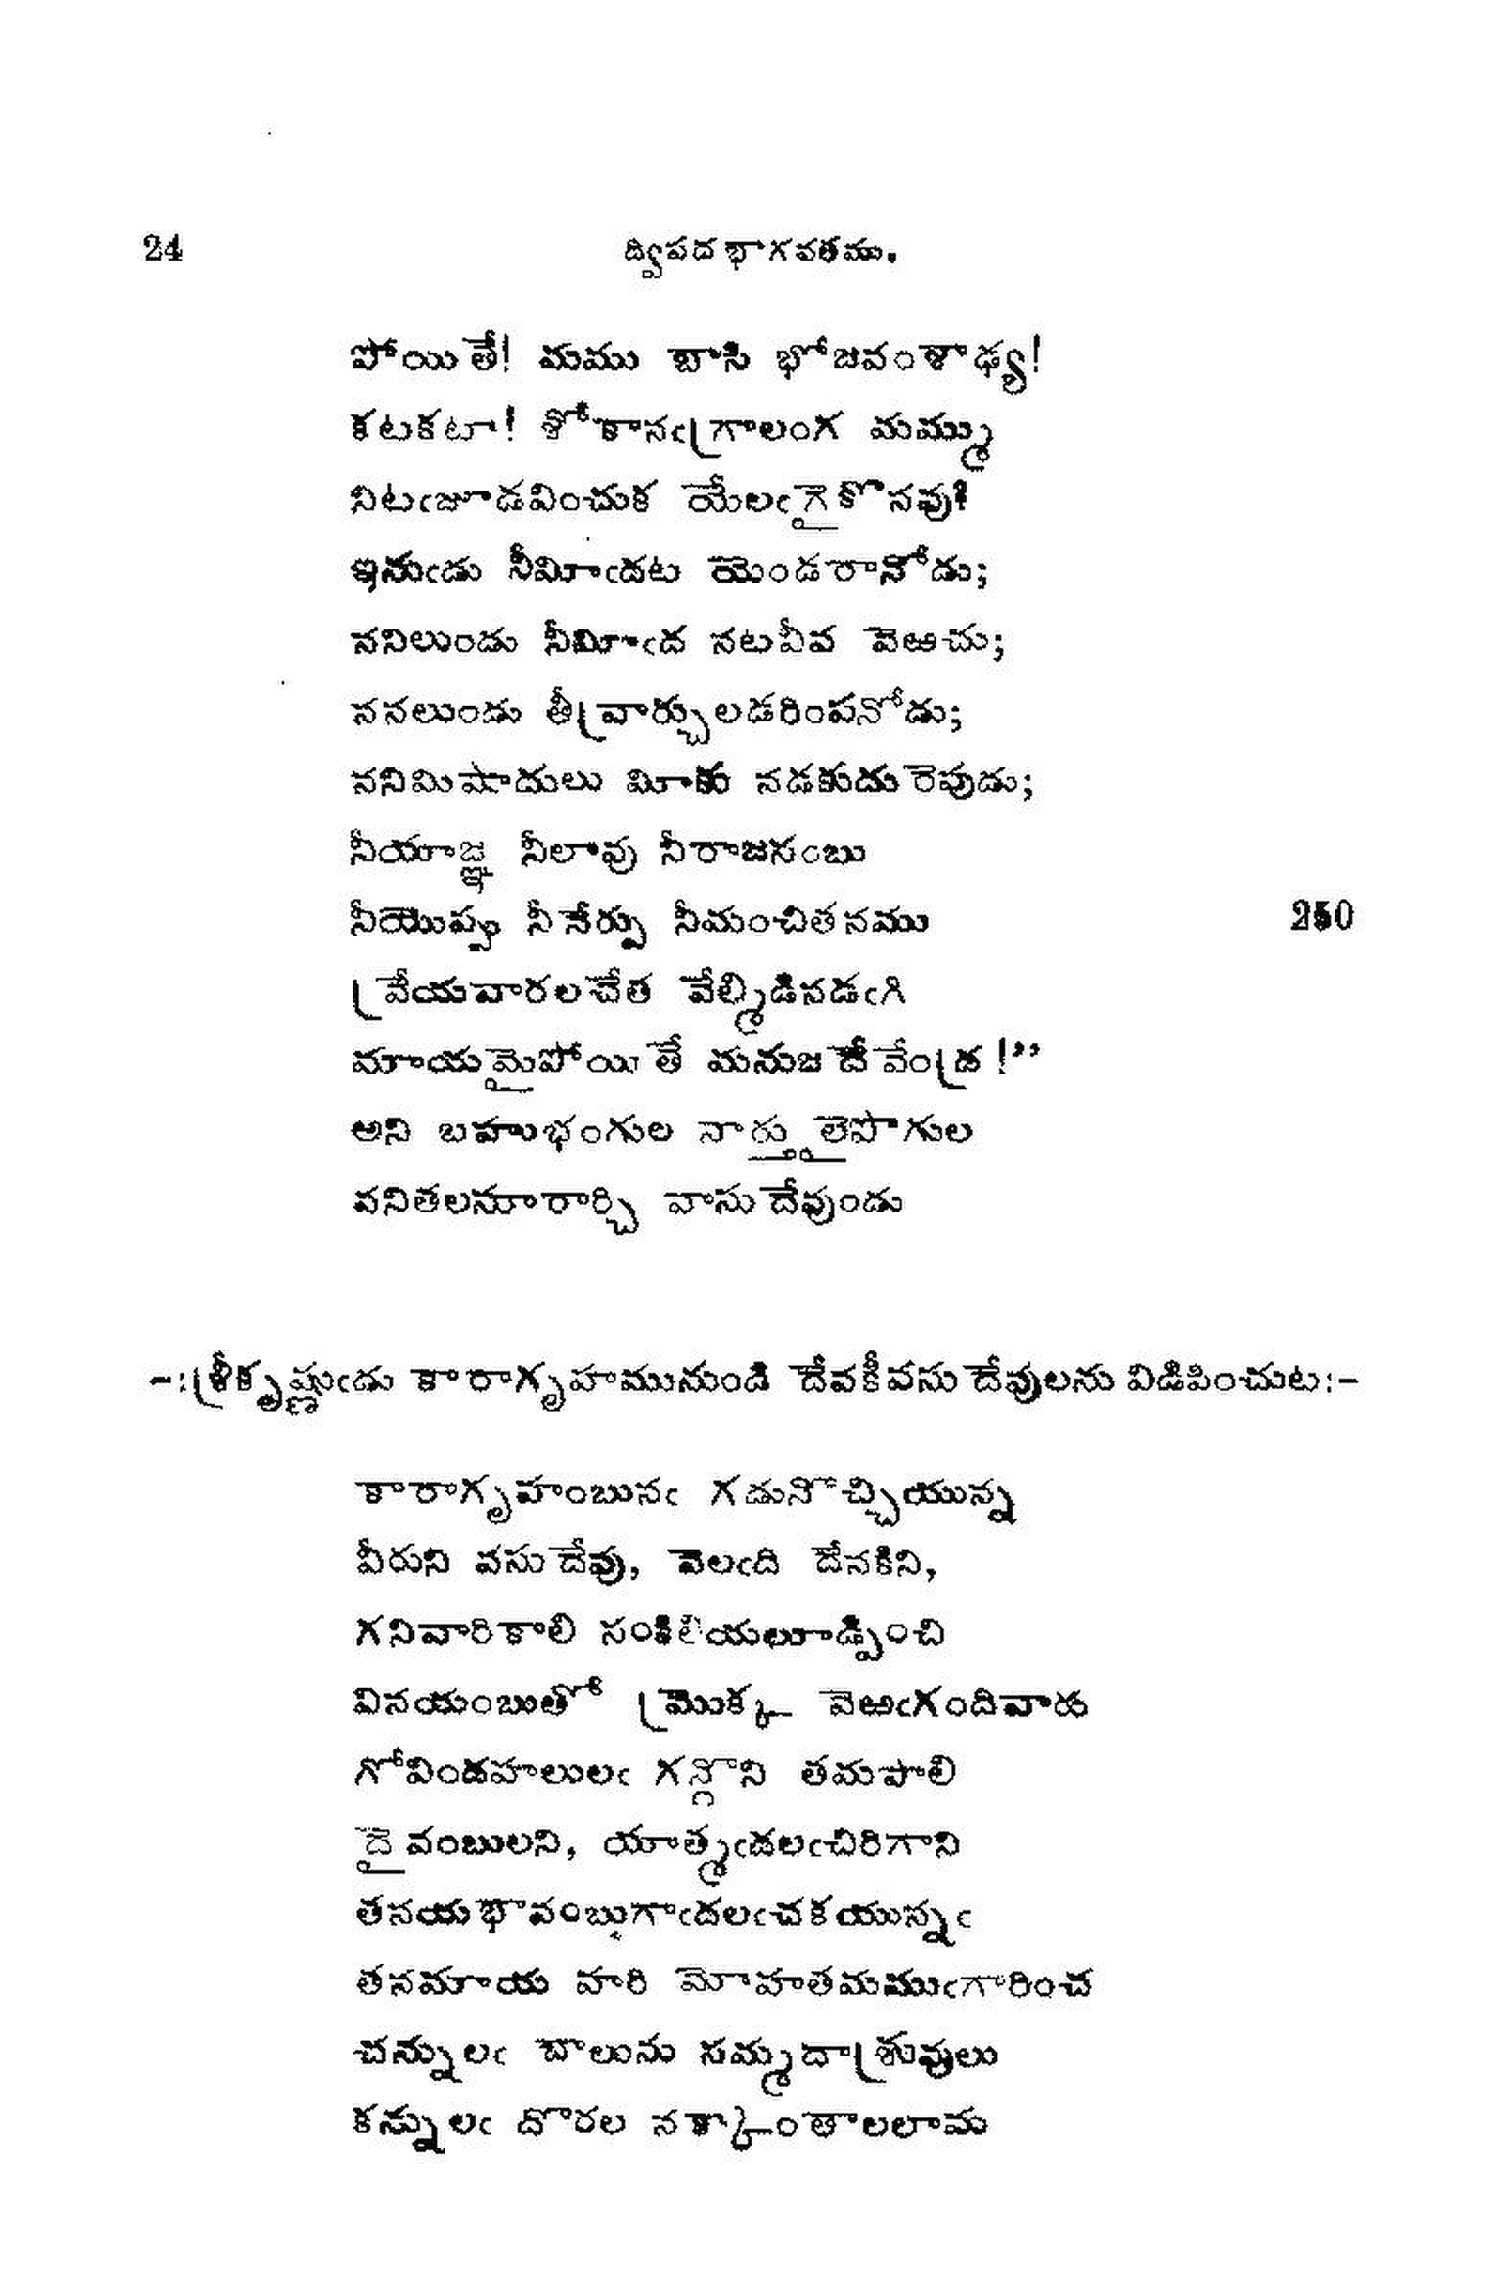పోయితే! మము బాసి భోజవంశాఢ్య!
కటకటా! శోకానఁ గ్రాలంగ మమ్ము
నిటఁ జూడ వించుక యేలఁ గైకొనవు?
ఇనుఁడు నీమీఁదట యెండరానోడు;
ననిలుండు నీమీఁద నటవీవ వెఱచు;
ననలుండు తీవ్రార్చు లడరింపనోడు;
ననిమిషాదులు మీకు నడకుదు రెపుడు;
నీయాజ్ఞ నీలావు నీరాజసంబు
నీయొప్పు నీనేర్పు నీమంచితనము
వ్రేయవారలచేత వేల్మిడినడఁగి
మాయమైపోయితే మనుజదేవేంద్ర!"
అని బహుభంగుల నార్తులై పొగుల
వనితల నూరార్చి వాసుదేవుండు

కారాగృహంబునఁ గడునొచ్చియున్న
వీరుని వసుదేవు, వెలఁది దేవకిని,
గని వారికాలి సంకిలియలూడ్పించి
వినయంబుతో మ్రొక్క వెఱఁగంది వారు
గోవిందహలులఁ గల్గొని తమపాలి
దైవంబులని, యాత్మఁదలఁచిరి గాని
తనయభావంబుగాఁ దలఁచకయున్న
తనమాయ హరి మోహతమముఁ గారించ
చన్నులఁ బాలును సమ్మదాశ్రువులు
కన్నులఁ దొరల నక్కాంతాలలామ